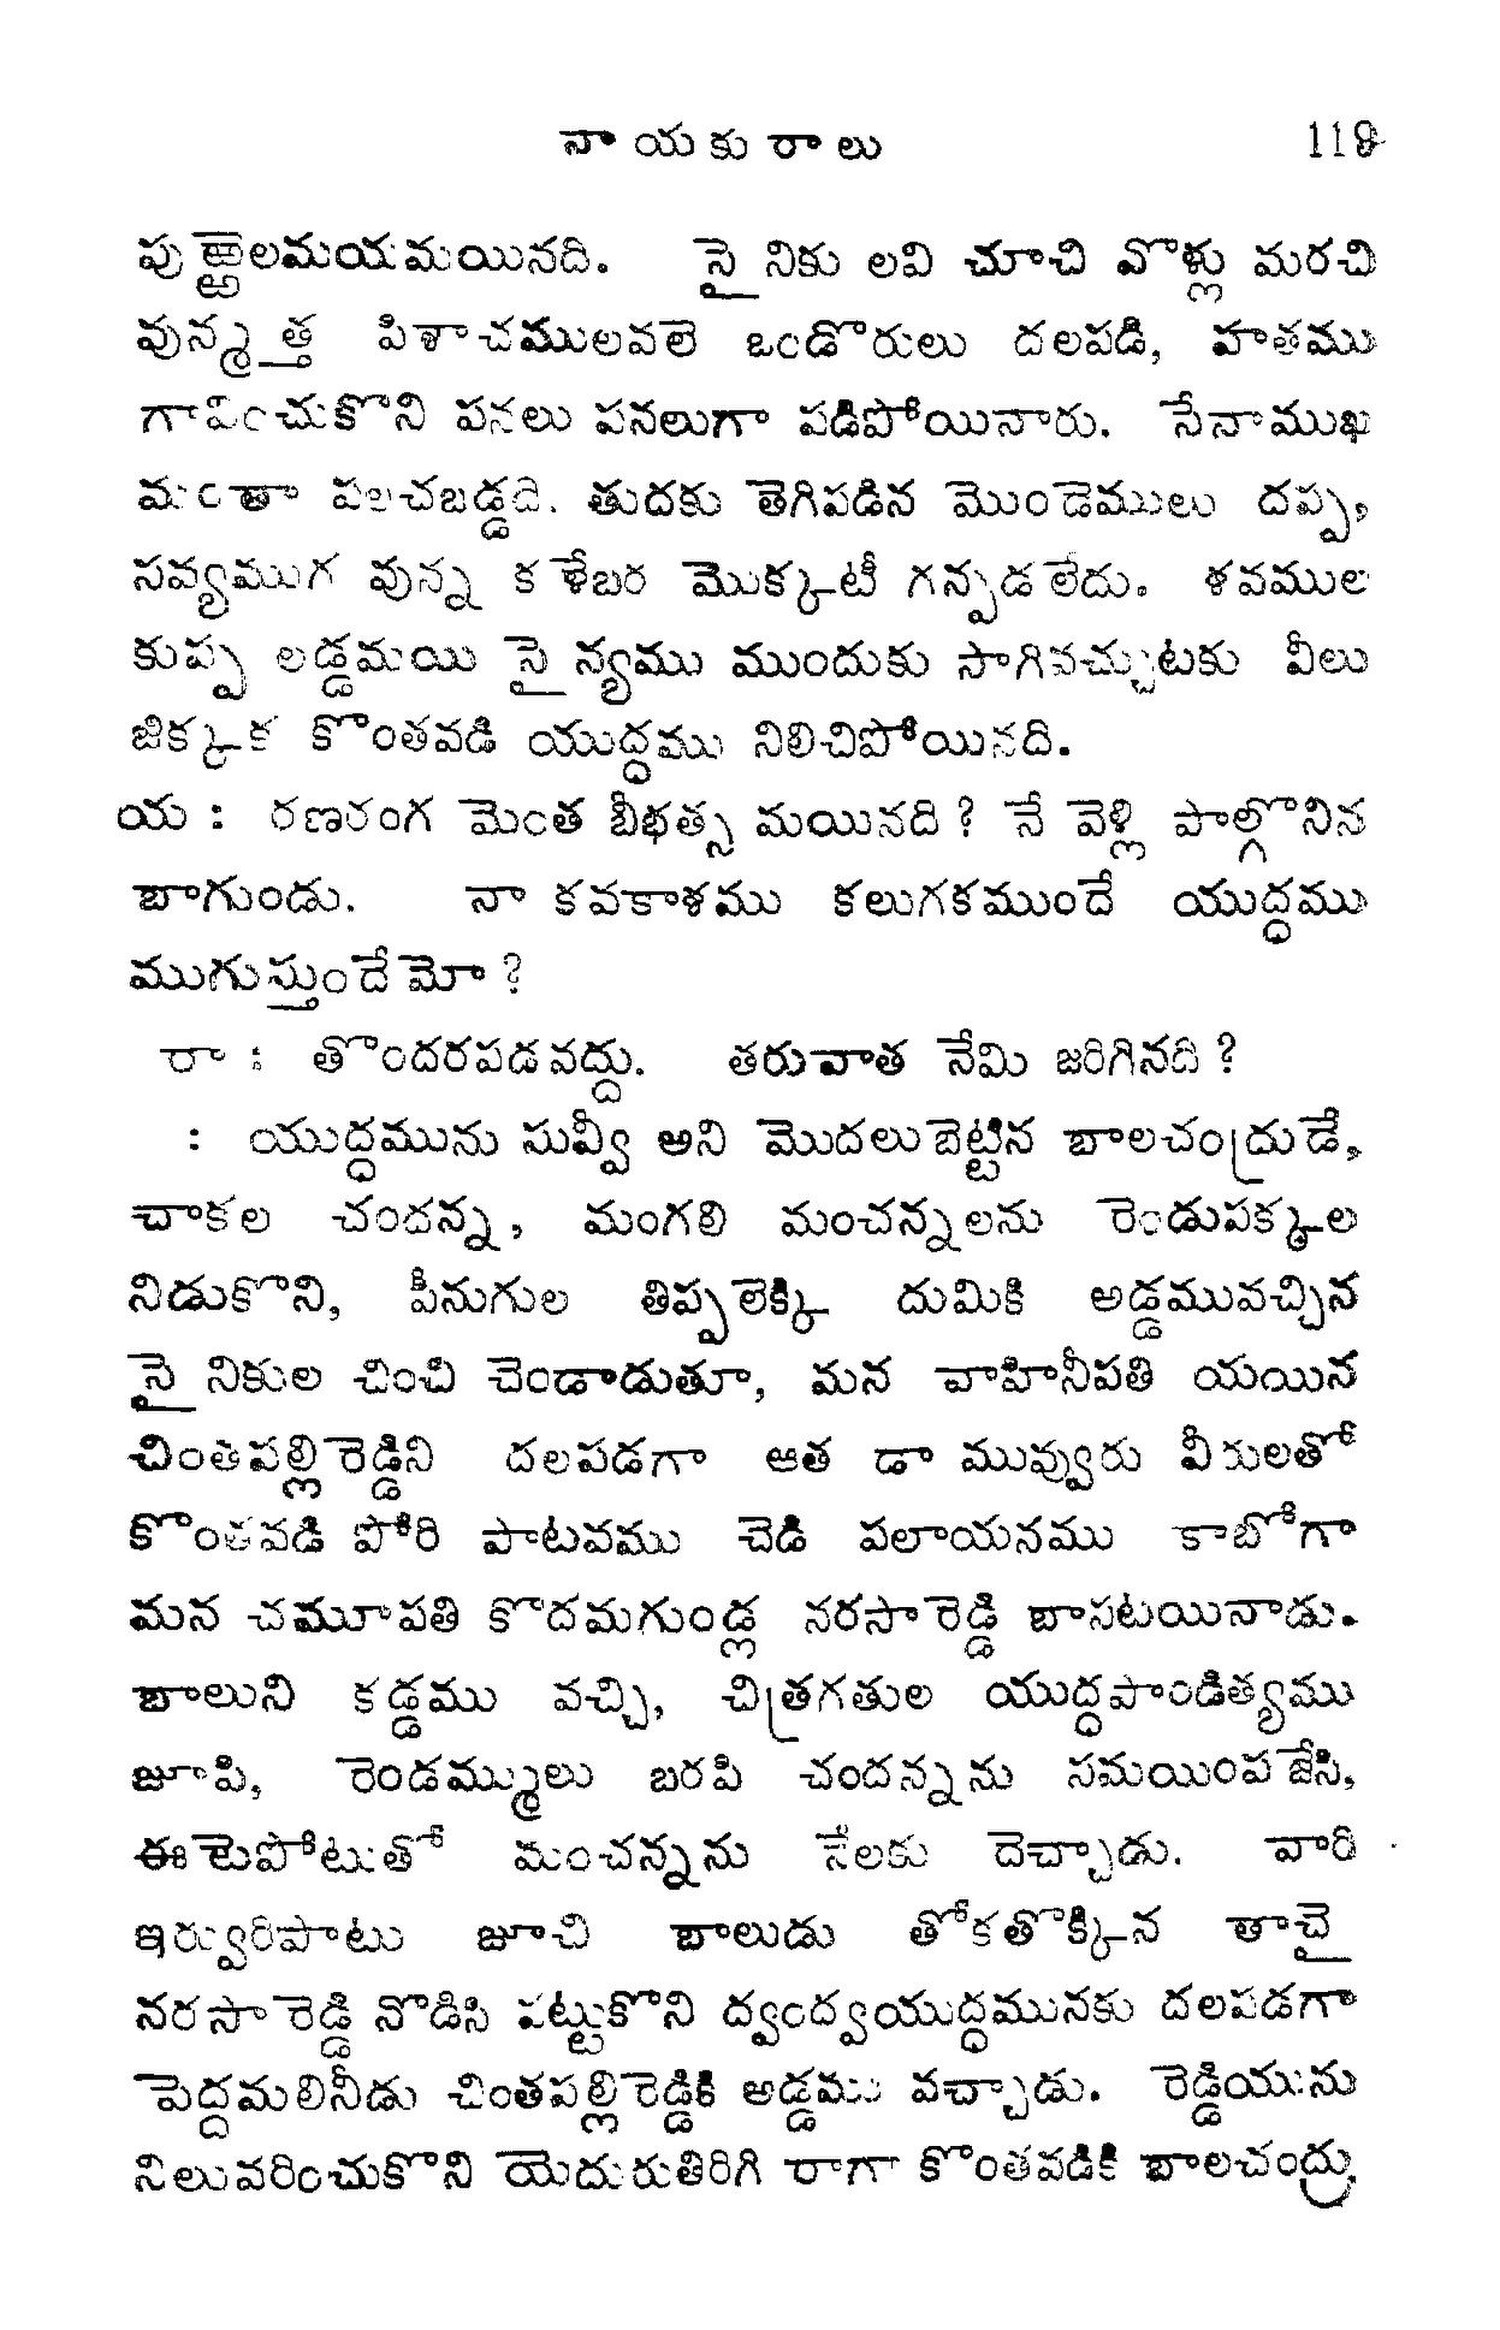పుఱ్ఱెలమయమయినది. సైనికు లవి చూచి వొళ్లు మరచి వున్మత్త పిశాచములవలె ఒండొరులు దలపడి, హతము గావించుకొని పనలు పనలుగా పడిపోయినారు. సేనాముఖమంతా పలచబడ్డది. తుదకు తెగిపడిన మొండెములు దప్ప, సవ్యముగ వున్న కళేబర మొక్కటీ గన్పడలేదు. శవముల
కుప్ప లడ్డమయి సైన్యము ముందుకు సాగివచ్చుటకు వీలు జిక్కక కొంతవడి యుద్ధము నిలిచిపోయినది.

య : రణరంగ మెంత బీభత్స మయినది ? నే వెళ్లి పాల్గొనిన బాగుండు. నా కవకాశము కలుగకముందే యుద్ధము ముగుస్తుందేమో?

నల. రా : తొందరపడవద్దు. తరువాత నేమి జరిగినది ?

ఝట్టి : యుద్ధమును సువ్వీ అని మొదలుబెట్టిన బాలచంద్రుడే, చాకల చందన్న, మంగలి మంచన్నలను రెండుపక్కల నిడుకొని, పీనుగుల తిప్పలెక్కి దుమికి అడ్డమువచ్చిన సైనికుల చించి చెండాడుతూ, మన వాహినీపతి యయిన చింతపల్లిరెడ్డిని దలపడగా ఆత డా మువ్వురు వీరులతో
కొంతవడి పోరి పాటవము చెడి పలాయనము కాబోగా మన చమూపతి కొదమగుండ్ల నరసారెడ్డి బాసటయినాడు. బాలుని కడ్డము వచ్చి, చిత్రగతుల యుద్ధపాండిత్యము జూపి, రెండమ్ములు బరపి చందన్నను సమయింపజేసి, ఈటెపోటుతో మంచన్నను నేలకు దెచ్చాడు. వారి ఇర్వురిపాటు జూచి బాలుడు తోకతొక్కిన తాచై నరసారెడ్డి నొడిసి పట్టుకొని ద్వంద్వయుద్ధమునకు దలపడగా
పెద్దమలినీడు చింతపల్లిరెడ్డికి అడ్డము వచ్చాడు. రెడ్డియును నిలువరించుకొని యెదురుతిరిగి రాగా కొంతవడికి బాలచంద్రు,